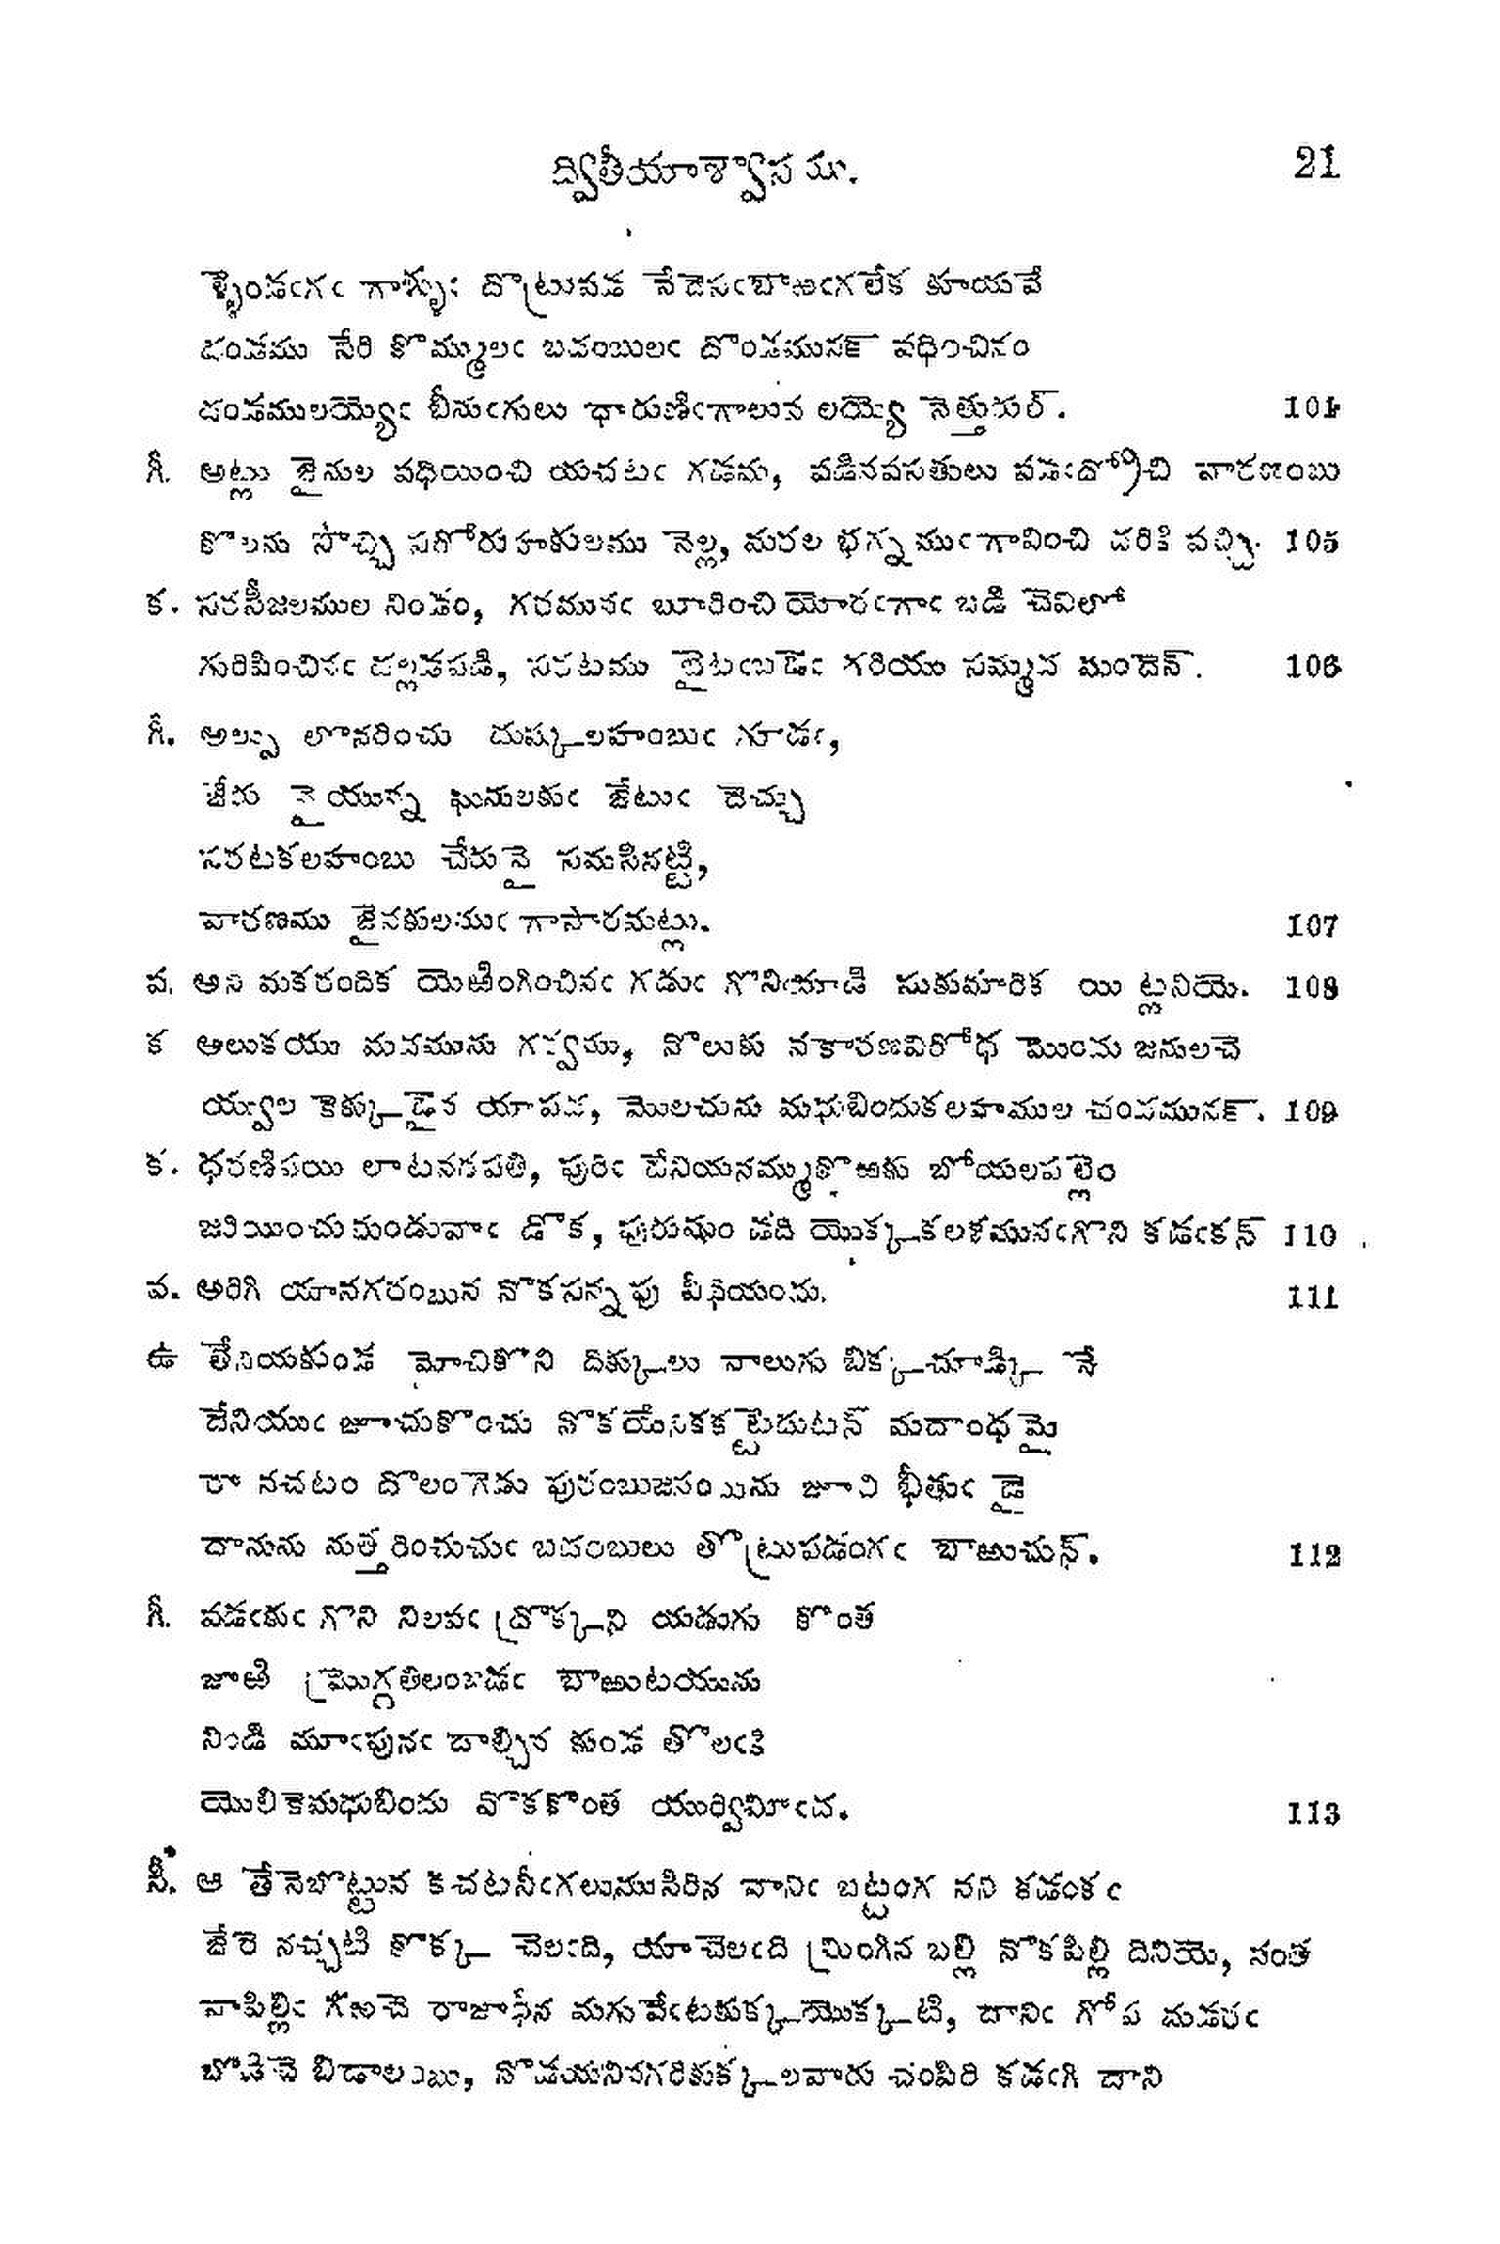ళ్ళెండఁగఁ గాళ్ళుఁ దొట్రువడ నేదెసఁ బాఱఁగలేక కూయవే
 దండము సేరి కొమ్ములఁ బదంబులఁ దొండమునన్ వధించినం
 దండము లయ్యెఁ బీనుఁగులు ధారుణిఁ గాలువ లయ్యె నెత్తురుల్.
గీ. అట్లు జైనుల వధియించి యచటఁ గడమ, వడినవసతులు వడద్రోచి వారణంబు
 కొలను సొచ్చి సరోరుహకులను నెల్ల, మరల భగ్నముఁ గావించి దరికి వచ్చి.
క. సరసీజలముల నిండం, గరమునఁ బూరించి యోరఁగాఁ బడి చెవిలో
 గురిపించినఁ దల్లడపడి, సరటము బైటఁబడెఁ గరియు సమ్మద మందెన్.
గీ. అల్సు లొనరించు దుష్కలహంబుఁ గూడ,
 జేరు వైయున్న ఘనులకుఁ జేటుఁ దెచ్చు
 సరటకలహంబు చేరువై సమసినట్టి
 వారణము జైనకులముఁ గాసారమట్లు.
వ. అని మకరందిక యెఱింగించినఁ గడుఁ గొనియాడి సుకుమారిక యిట్లనియె.
క. ఆలుకయు మదమును గర్వము, నొలుకు నకారణవిరోధ మొందు జనులచె
 య్వుల కెక్కుడైన యాపద, మొలచును మధుబిందుకలహముల చందమునన్.
క. ధరణిపయి లాటనరపతి, పురిఁ దేనియ నమ్ముకొఱకు బోయలపల్లెం
 జరియించుచుండువాఁ డొక, పురుషుం డది యొక్కకలశమునఁ గొని కడఁకన్.
వ. అరిగి యానగరంబున నొకసన్నపువీథియందు.
ఉ. తేనియకుండ మ్రోచికొని దిక్కులు నాలుగు బిక్కచూడ్కి నే
 దేనియుఁ జూచుకొంచు నొకయేనిక కట్టెదుటన్ మదాంధమై
 రా నచటం దొల గెడు పురంబుజనంబును జూచి భీతుఁ డై
 దానును నుత్తరించుచుఁ బదంబులు తొట్రుపడంగఁ బాఱుచున్.
గీ. వడఁకుఁ గొని నిలవఁద్రొక్కని యడుగు కొంత
 జాతి మొగ్గతిలంబడం బాఱుటయును
 నిండి మూఁపునఁ దాల్చిన కుండ తొలఁకి
 యొలికె మధుబిందు వొకకొంత యుర్విమీఁద.
సీ. ఆ తేనెబొట్టున కచట నీఁగలు ముసిరిన వానిఁ బట్టంగ నని కడంకఁ
 జేరె నచ్చటి కొక్కచెలఁది, యాచెలఁది మ్రింగిన బల్లి నొకపిల్లి దినియె, నంత
 నాపిల్లిఁ గఱచె రాజాధీన మగు వేఁటకుక్క యొక్కటి, దానిఁ గోప మడరఁ
 బొడిచె బిడాలంబు, గొడయని నగరికుక్కలవారు చంపిరి కడఁగి దాని